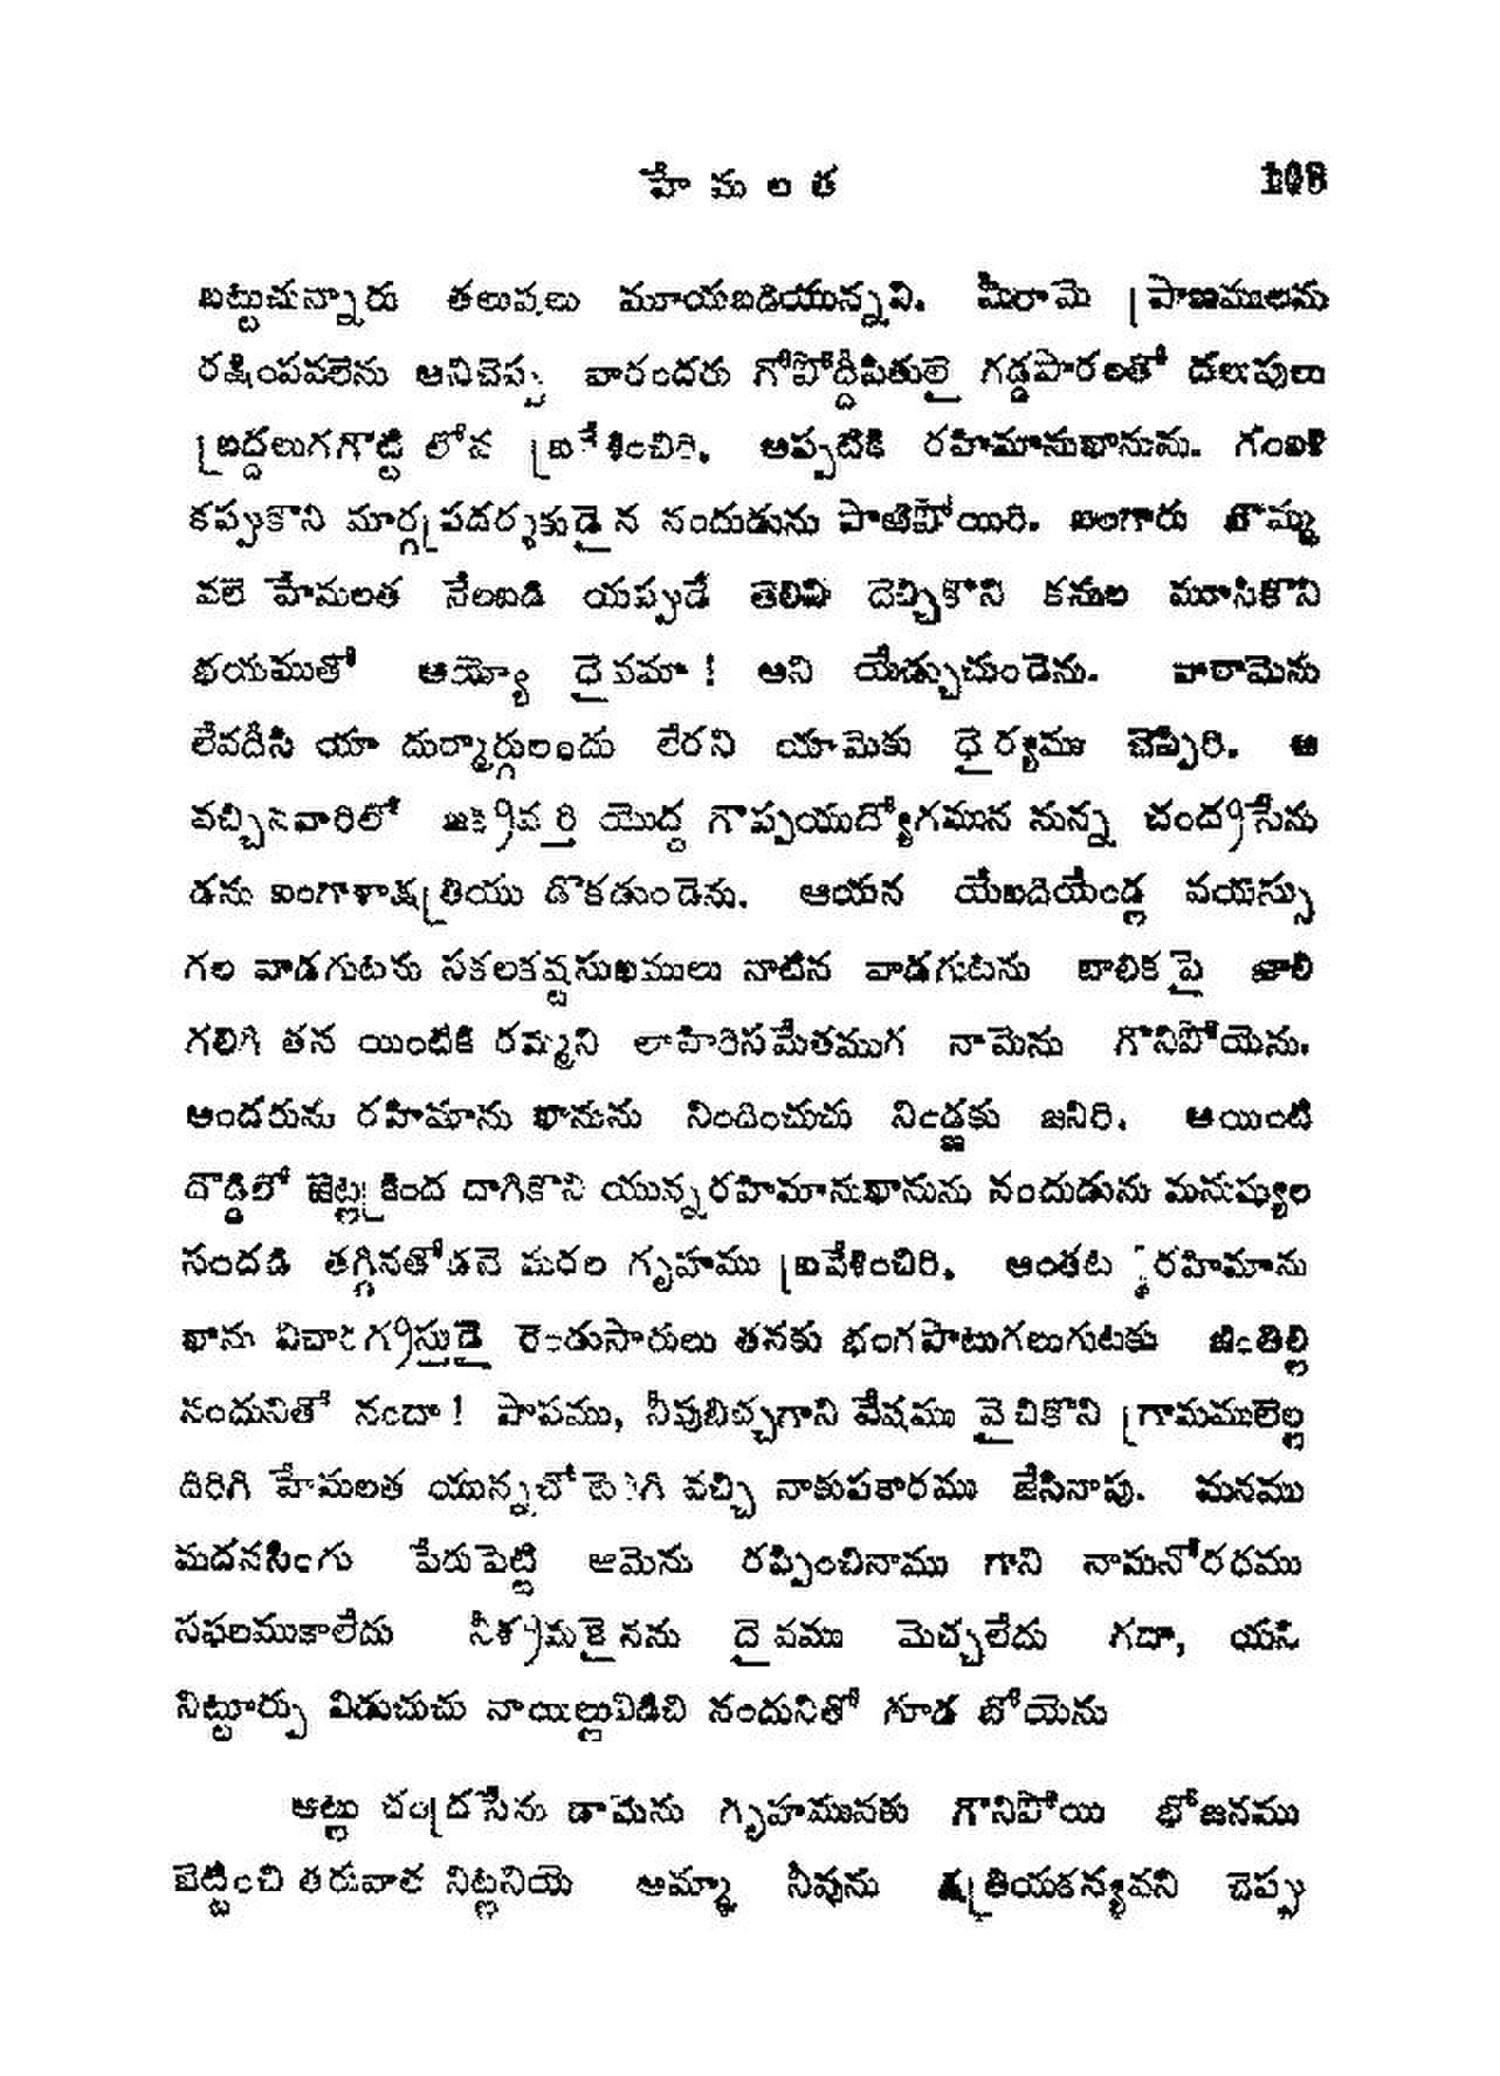బట్టుచున్నారు. తలుపులు మూయబడియున్నవి. మీరామె ప్రాణములను రక్షింపవలెను అనిచెప్ప వారందరు గోపొద్దీపితులై గడ్డపారలతో దలుపులు బ్రద్దలుగొట్టి లోన బ్రవేశించిరి. అప్పటికి రహిమానుఖానును గంబళి కప్పుకొని మార్గప్రదర్శకుడైన నందుడును పాఱిపోయిరి. బంగారుబొమ్మవలె హేమలత నేలబడి యప్పుడే తెలివి దెచ్చుకొని కనుల మూసికొని భయముతో అయ్యో దైవమా! అని యేడ్చుచుండెను. వారామెను లేవదీసి యాదుర్మార్గులందు లేరని యామెకు ధైర్యము చెప్పిరి. ఆ వచ్చినవారిలో జక్రవర్తి యొద్ద గొప్పయుద్యోగమున నున్న చంద్రసేనుడను బంగాళాక్షత్రియుడు డొకడుండెను. ఆయన యేబది యేండ్ల వయస్సు గల వాడగుటను సకలకష్టసుఖములు దాటిన వాడగుటను బాలికపై జాలిగలిగి తన యింటికి రమ్మని లాహిరిసమేతముగ నామెను గొనిపోయెను. అందరును రహిమానుఖానును నిందించుచు నిండ్లకు జనిరి. ఆయింటిదొడ్డిలో జెట్లక్రింద దాగికొని యున్న రహిమానుఖానును నందుడును మనుష్యుల సందడి తగ్గినతోడనే మరల గృహముబ్రవేశించిరి. అంతట రహిమానుఖాను విచారగ్రస్తుడై రెండుసారులు తనకు భంగపాటు గలుగుటకు జింతిల్లి నందునితో నందా! పాపము, నీవు బిచ్చగాని వేషము వైచికొని గ్రామములెల్ల దిరిగి హేమలత యున్నచోటెరిగి వచ్చి నాకుపకారము జేసినావు. మనము మదనసింగు పేరుపెట్టి ఆమెను రప్పించినాము గాని నామనోరధము సఫలముకాలేదు. నీశ్రమకైనను దైవము మెచ్చలేదు గదా, యని నిట్టూర్పు విడుచుచు నాయిల్లివిడిచి నందునితో గూడ బోయెను.

అట్లు చంద్రసేను డామెను గృహమునకు గొనిపోయి భోజనము బెట్టించి తరువాత నిట్లనియె. అమ్మా నీవును క్షత్రియకన్యవని చెప్పు